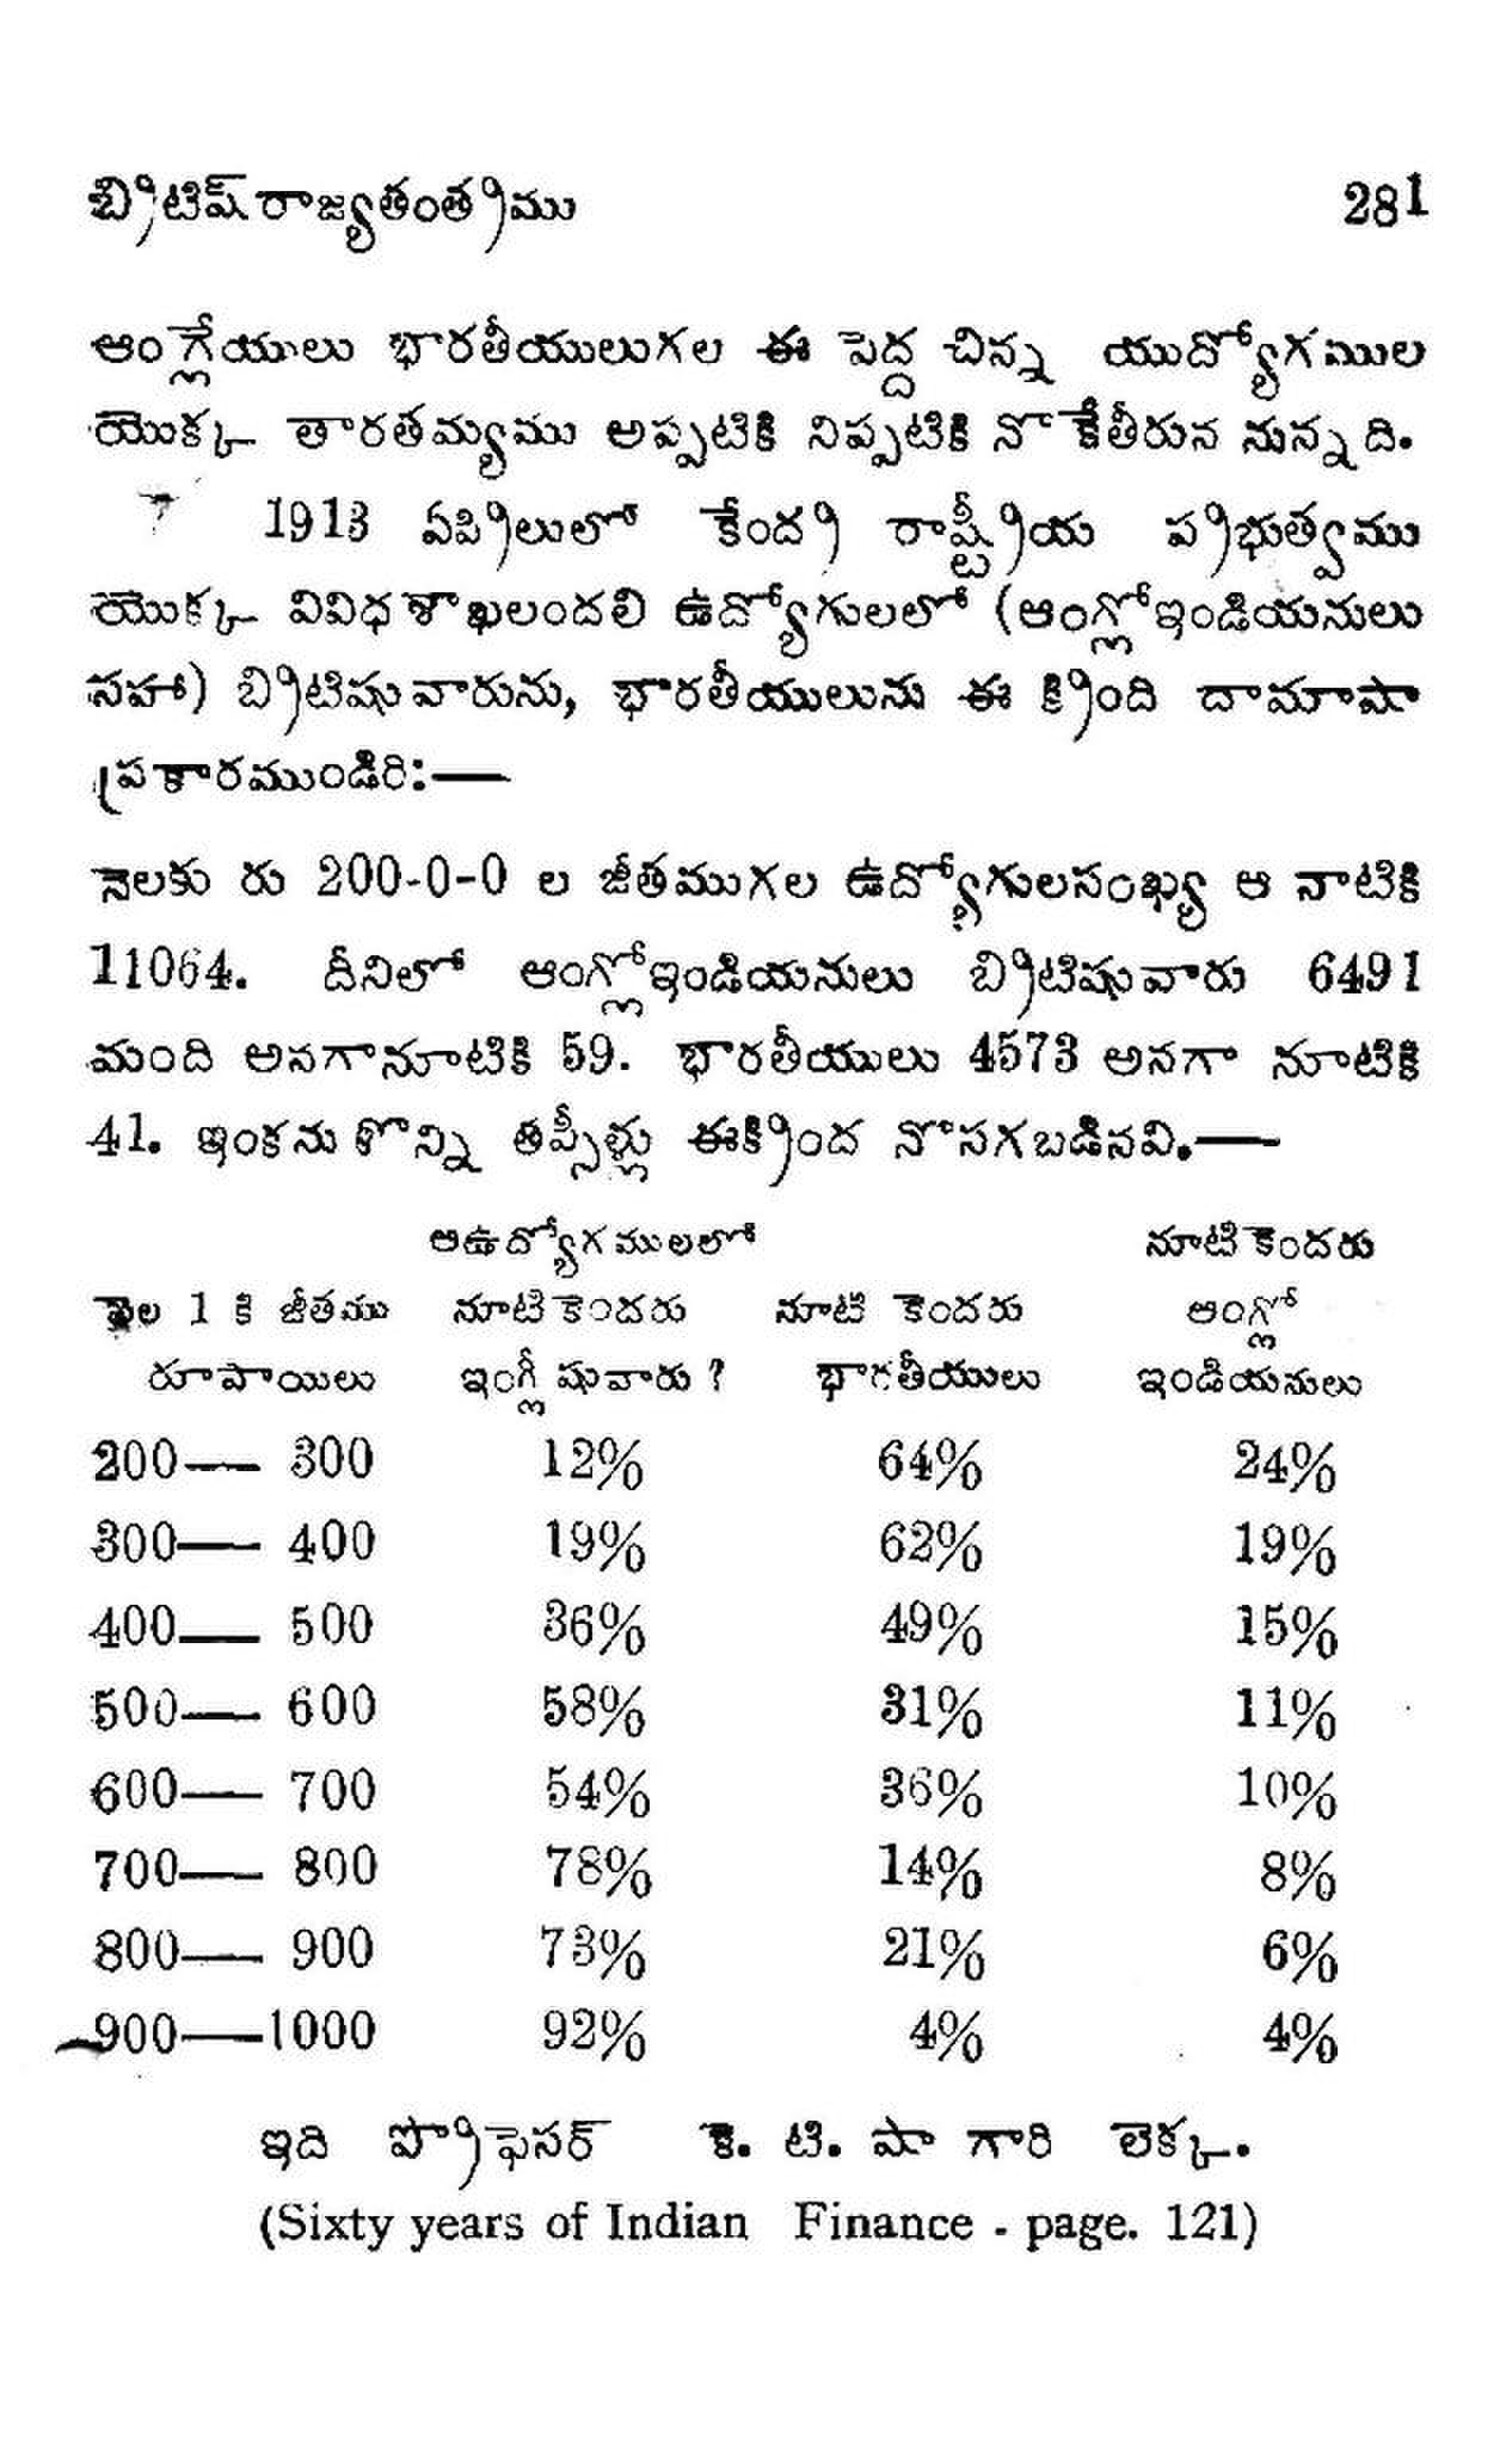ఆంగ్లేయులు భారతీయులుగల ఈ పెద్ద చిన్న యుద్యోగముల యొక్క తారతమ్యము అప్పటికి నిప్పటికి నొకేతీరున నున్నది. 

1913 ఏప్రిలులో కేంద్ర, రాష్ట్రీయ ప్రభుత్వముయొక్క వివిధశాఖలందలి ఉద్యోగులలో (ఆంగ్లోఇండియనులు సహా) బ్రిటిషువారును, భారతీయులును ఈ క్రింది దామాషా ప్రకారముండిరి:- 

నెలకు రు 200-0-0 ల జీతముగల ఉద్యోగులసంఖ్య ఆ నాటికి 11064. దీనిలో ఆంగ్లో ఇండియనులు బ్రిటిషువారు 6491 మంది అనగానూటికి 59. భారతీయులు 4573 అనగా నూటికి 41. ఇంకను కొన్ని తప్సీళ్లు ఈక్రింద నొసగబడినవి:- 

 నెల 1కి జీతము రూపాయలు ఆఉద్యోగములలో నూటికెందరు ఇంగ్లీషువారు? నూటి కెందరు భారతీయులు నూటికెందరు ఆంగ్లో ఇండియనులు 200 - 300 12% 64% 24% 300 - 400 19% 62% 19% 400 - 500 36% 49% 15% 500 - 600 58% 31% 11% 600 - 700 54% 36% 10% 700 - 800 78% 14% 8% 800 - 900 73% 21% 6% 900 - 1000 92% 4% 4%
ఇది ప్రొఫెసర్ కె. టి. షా గారి లెక్క

(Sixty years of Indian Finance. Page. 121)